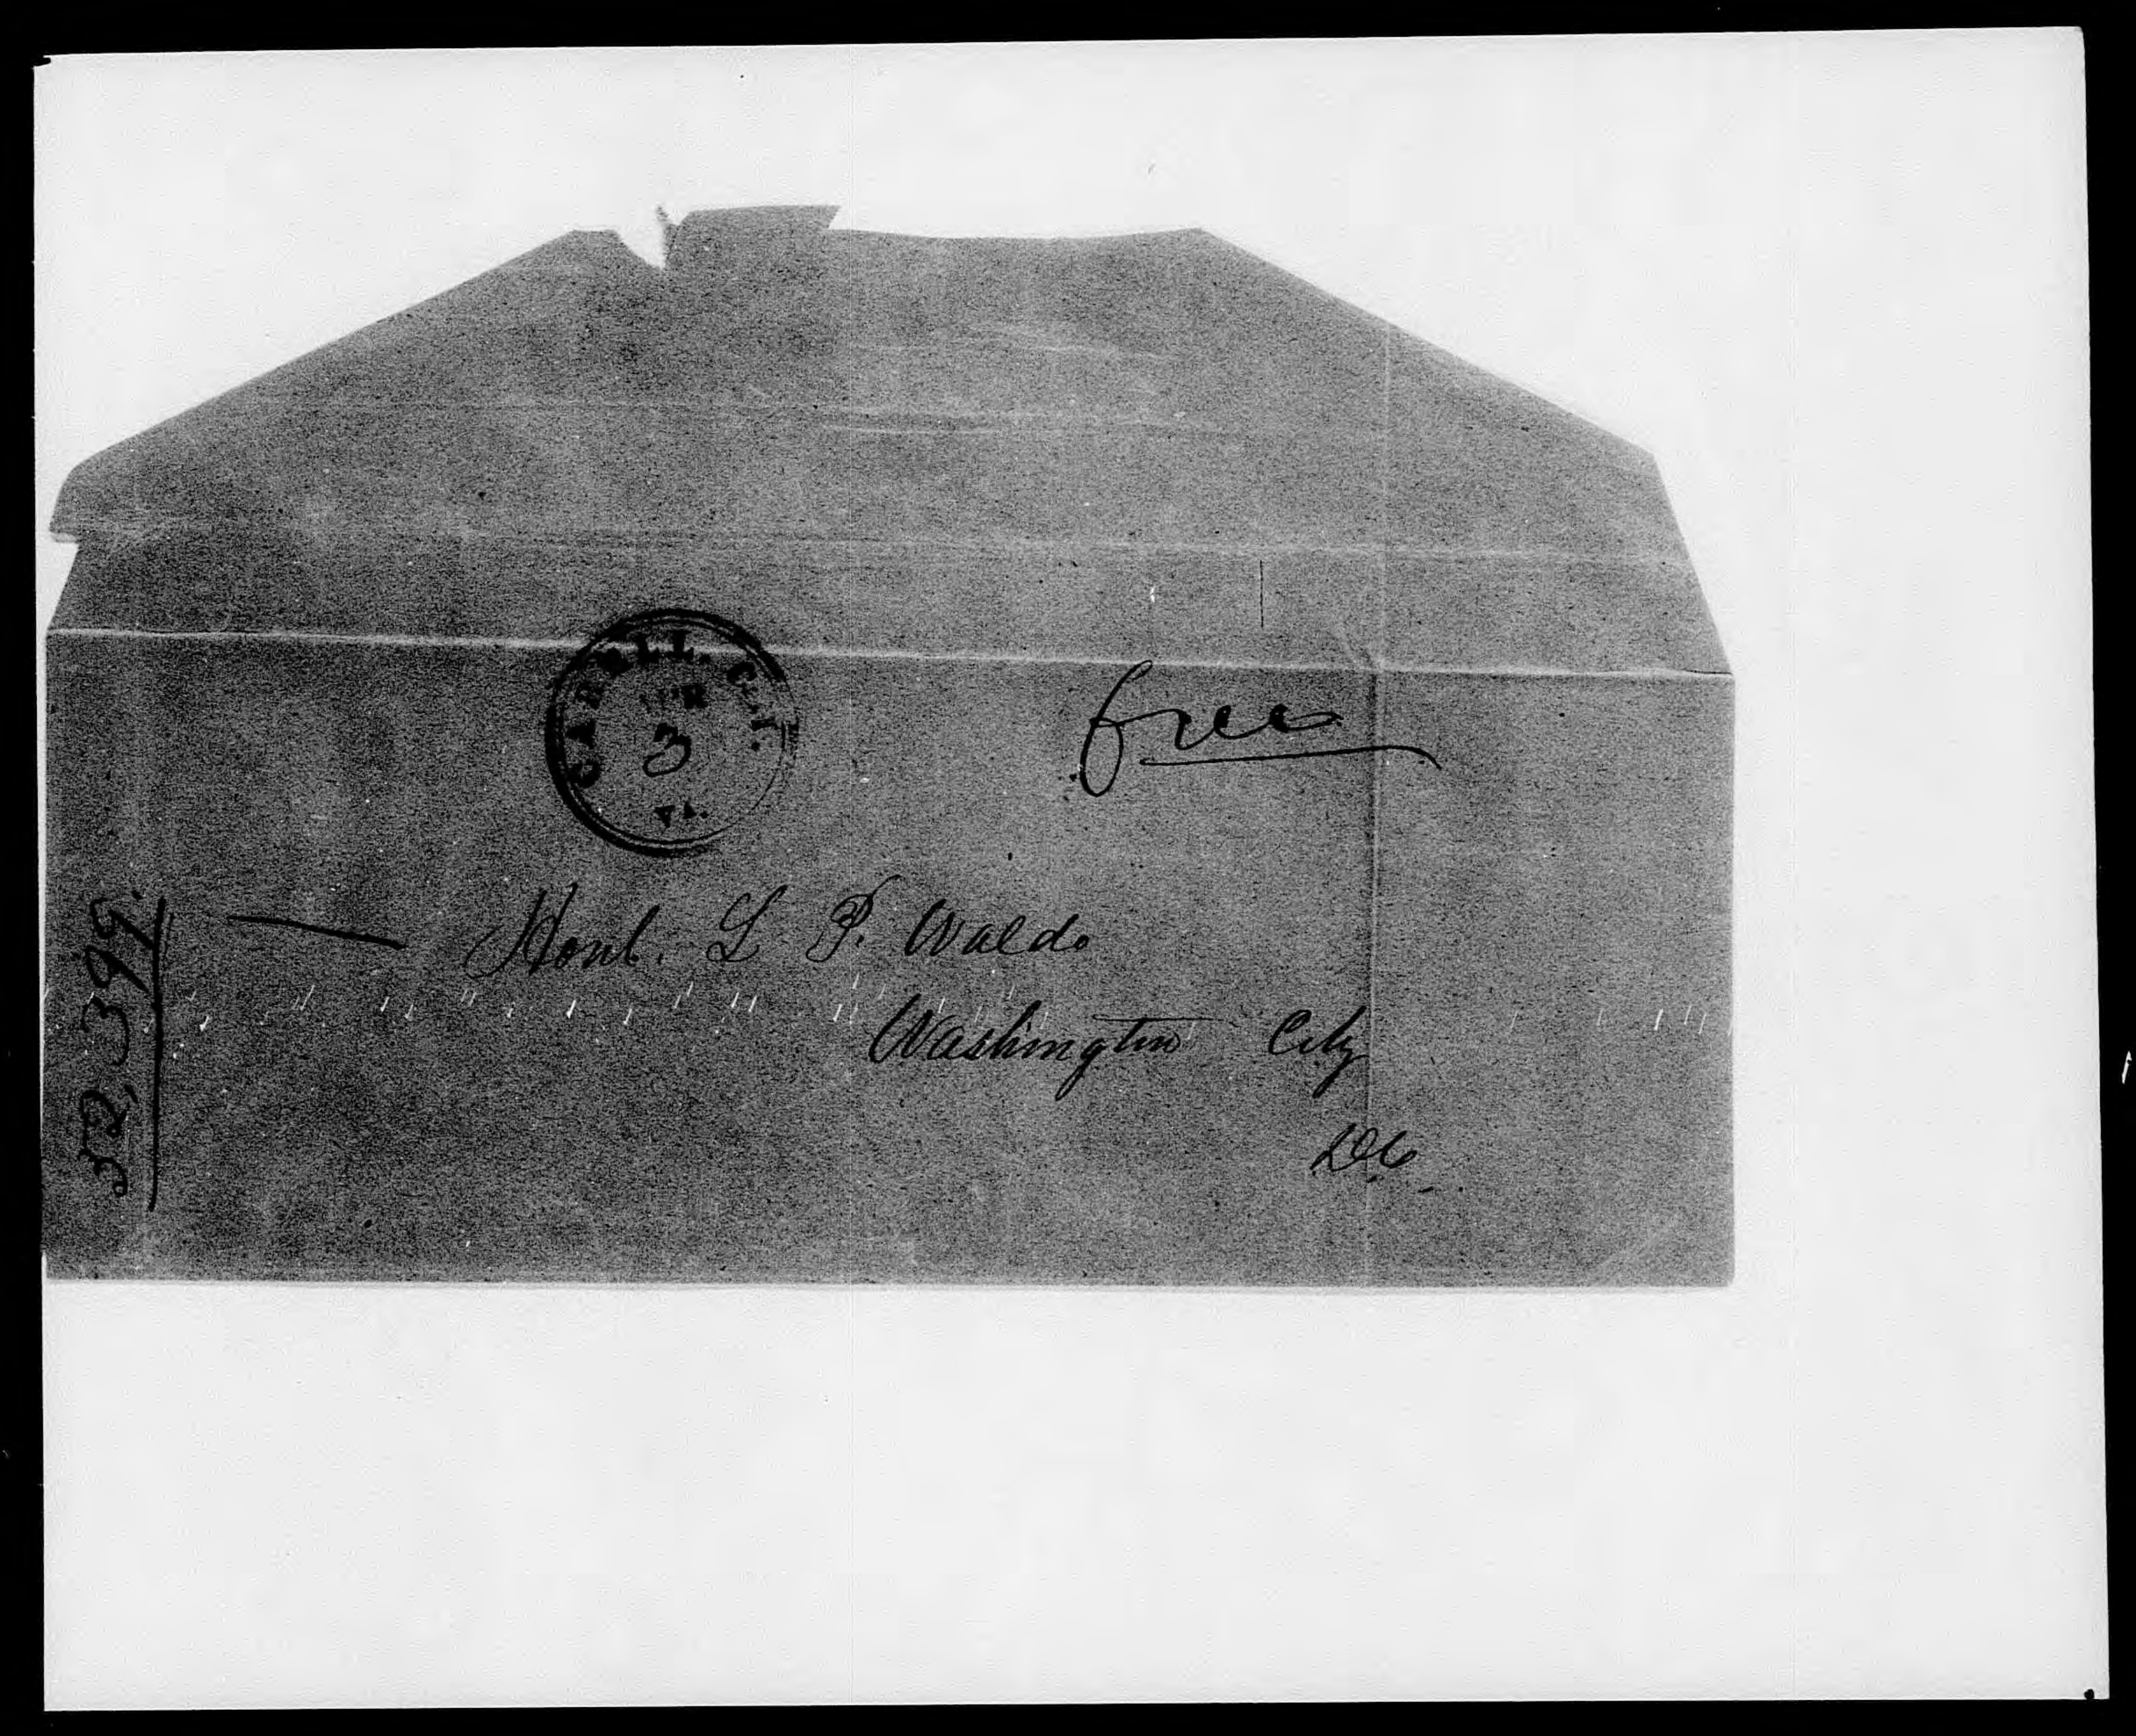[Stamped. "CABELL C.H. VA. R 3"]

free [underlined]

[Written sideways on the left. "32,399." [underlined]]

Houl. L. P. Waldo
Washington City
DC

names: L P Waldo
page: 24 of 36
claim: survivor's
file: S. 39570, James Gillingwater, Va.